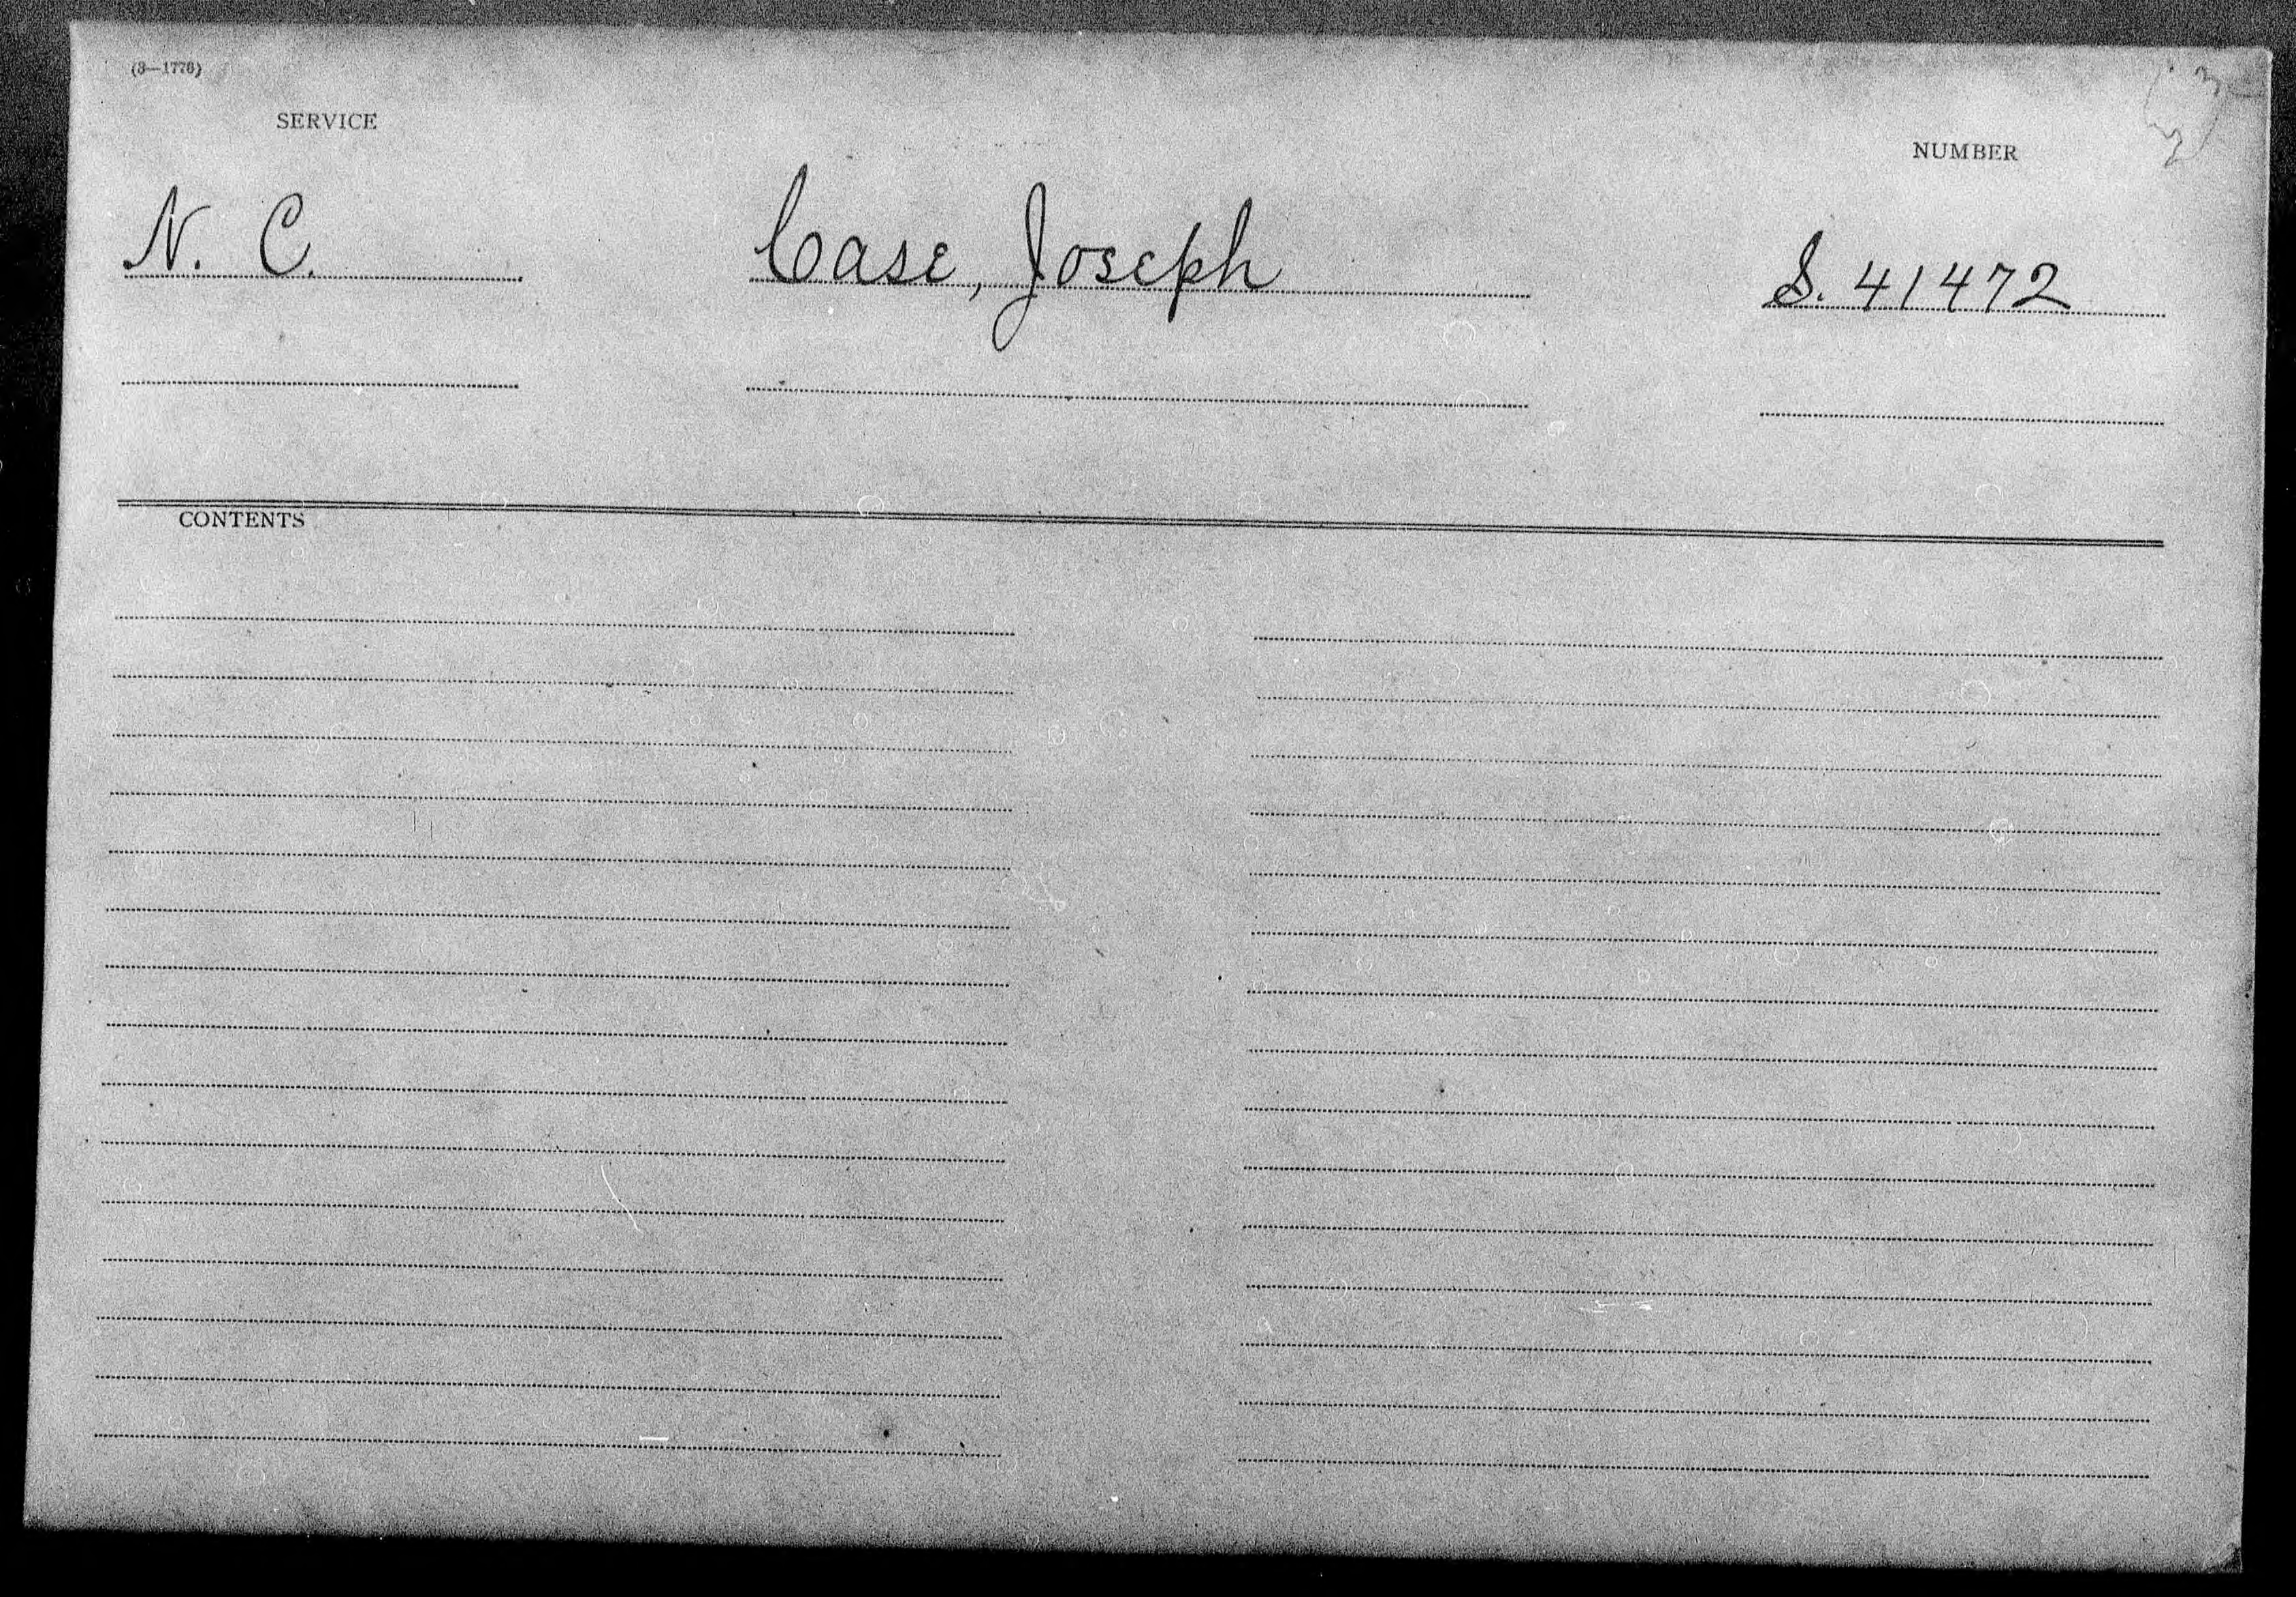Service: N.C. 
Case, Joseph 
Number: S. 41472

Contents:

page: 1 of 20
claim: survivor's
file: S. 41472, Joseph Case, N.C.